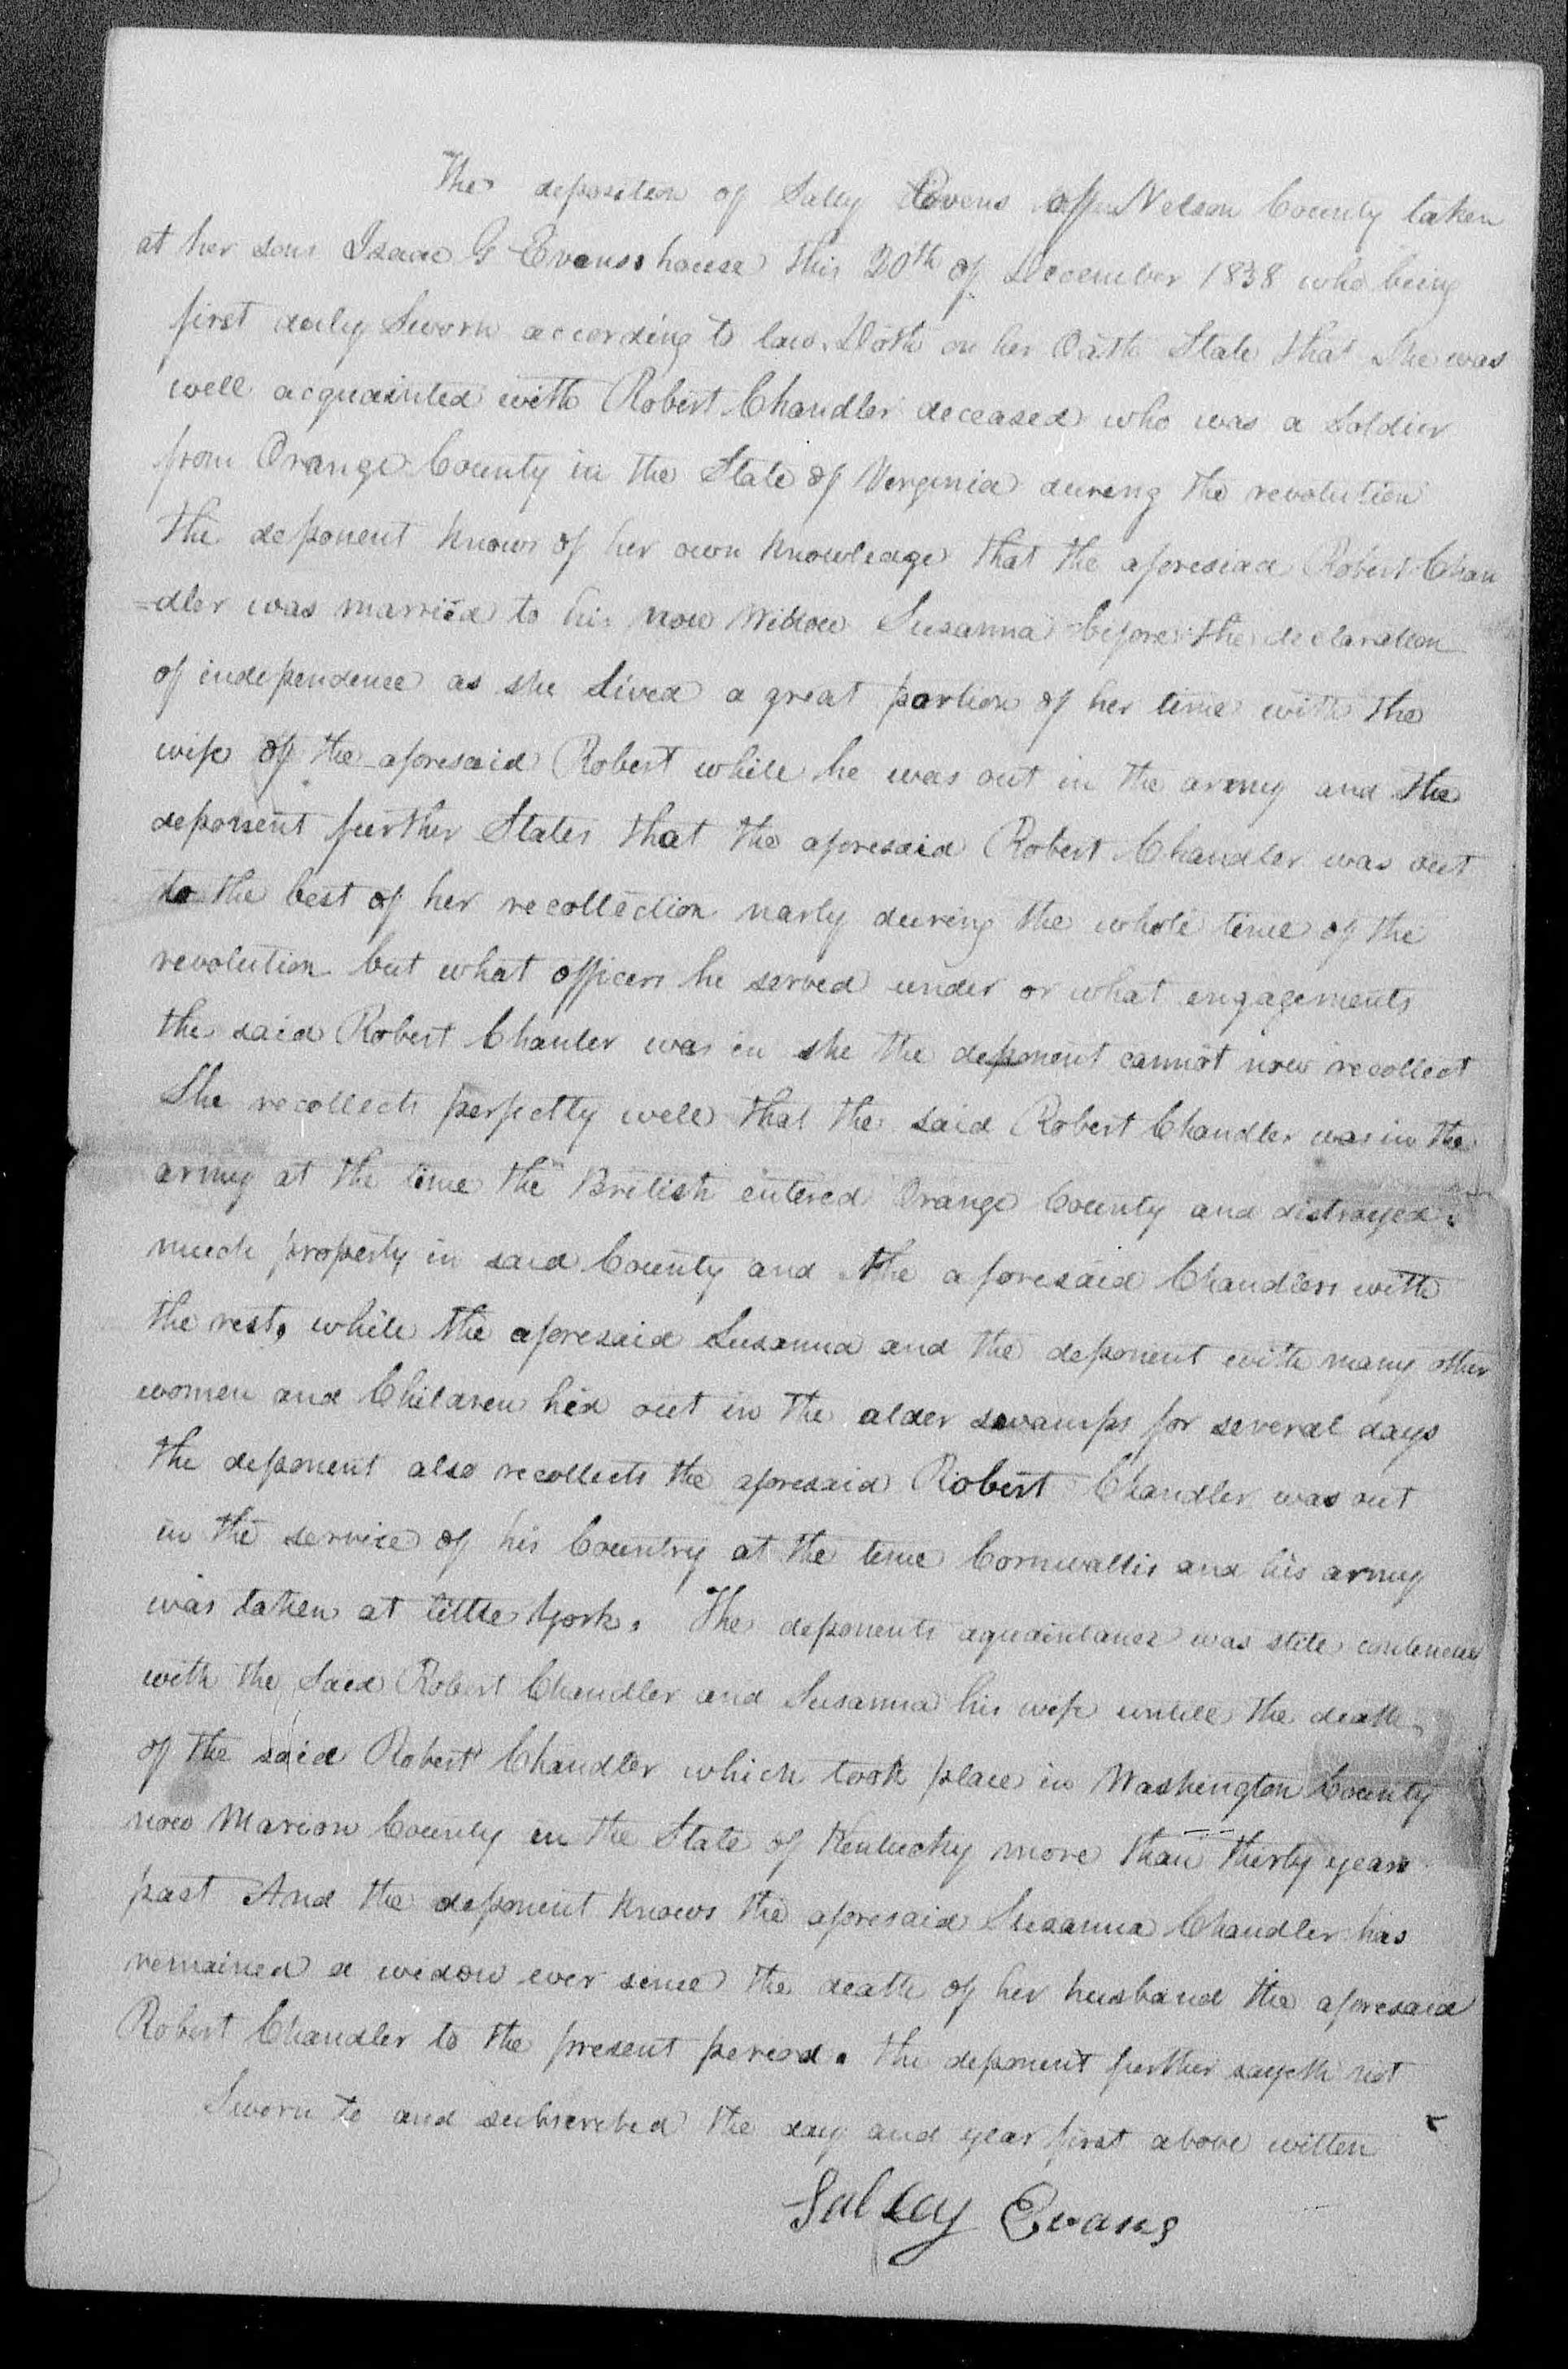The deposition of Sally Evans of Nelson County, taken at her son Isaac G. Evans house this 20th of December, 1838, who being first duly Sworn according to law, Doth on her Oath State that She was well acquainted with Robert Chandler, deceased, who was a Soldier from Orange County in the State of Virginia, during the revolution. The deponent knows of her own knowledge, that the aforesaid Robert Chandler was married to his now widow, Susannah before the declaration of independence as she lived a great portion of her time with the wife of the aforesaid Robert while he was out in the army and the deponent further States that the aforesaid Robert Chandler was out, to the best of her recollection, nearly during the whole time of the revolution, but what officers he served under or what engagements the said Robert Chandler was in, she, the deponent, cannot now recollect.  She recollects perfectly well that the said Robert Chandler, was in the army at the time the British entered Orange County and destroyed much property in said County and the aforesaid Chandler’s, with the rest while the aforesaid Susannah and the deponent with many other women and Children hid out in the alder swamp for several days.  The deponent also recollects the aforesaid Robert Chandler was out in the service of his Country at the time Cornwallis and his army was taken at little York.  The deponents acquaintance was still continued with the said Robert Chandler and Susannah, his wife, until the death of the said Robert Chandler which took place in Washington County, now Marion County, in the State of Kentucky more than thirty years past.  And the deponent knows the aforesaid Susannah Chandler has remained a widow ever since the death of her husband, the aforesaid Robert Chandler to the present period.  The deponent further sayeth not.

         Sworn to and subscribed the day and year first above written

                           Salley Evans.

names: Susanna, Robert Chandler, Robert, Robert Chandler, Robert Chandler, Robert Chandler, Susanna, Salley Evans, Robert Chandler, Isaac G Evans, Susanna, Robert Chanler, Chandler, Robert Chandler, Robert Chandler, Robert Chandler, Susanna Chandler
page: 9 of 12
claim: widow's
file: W. 8598, Robert Chandler, Va.